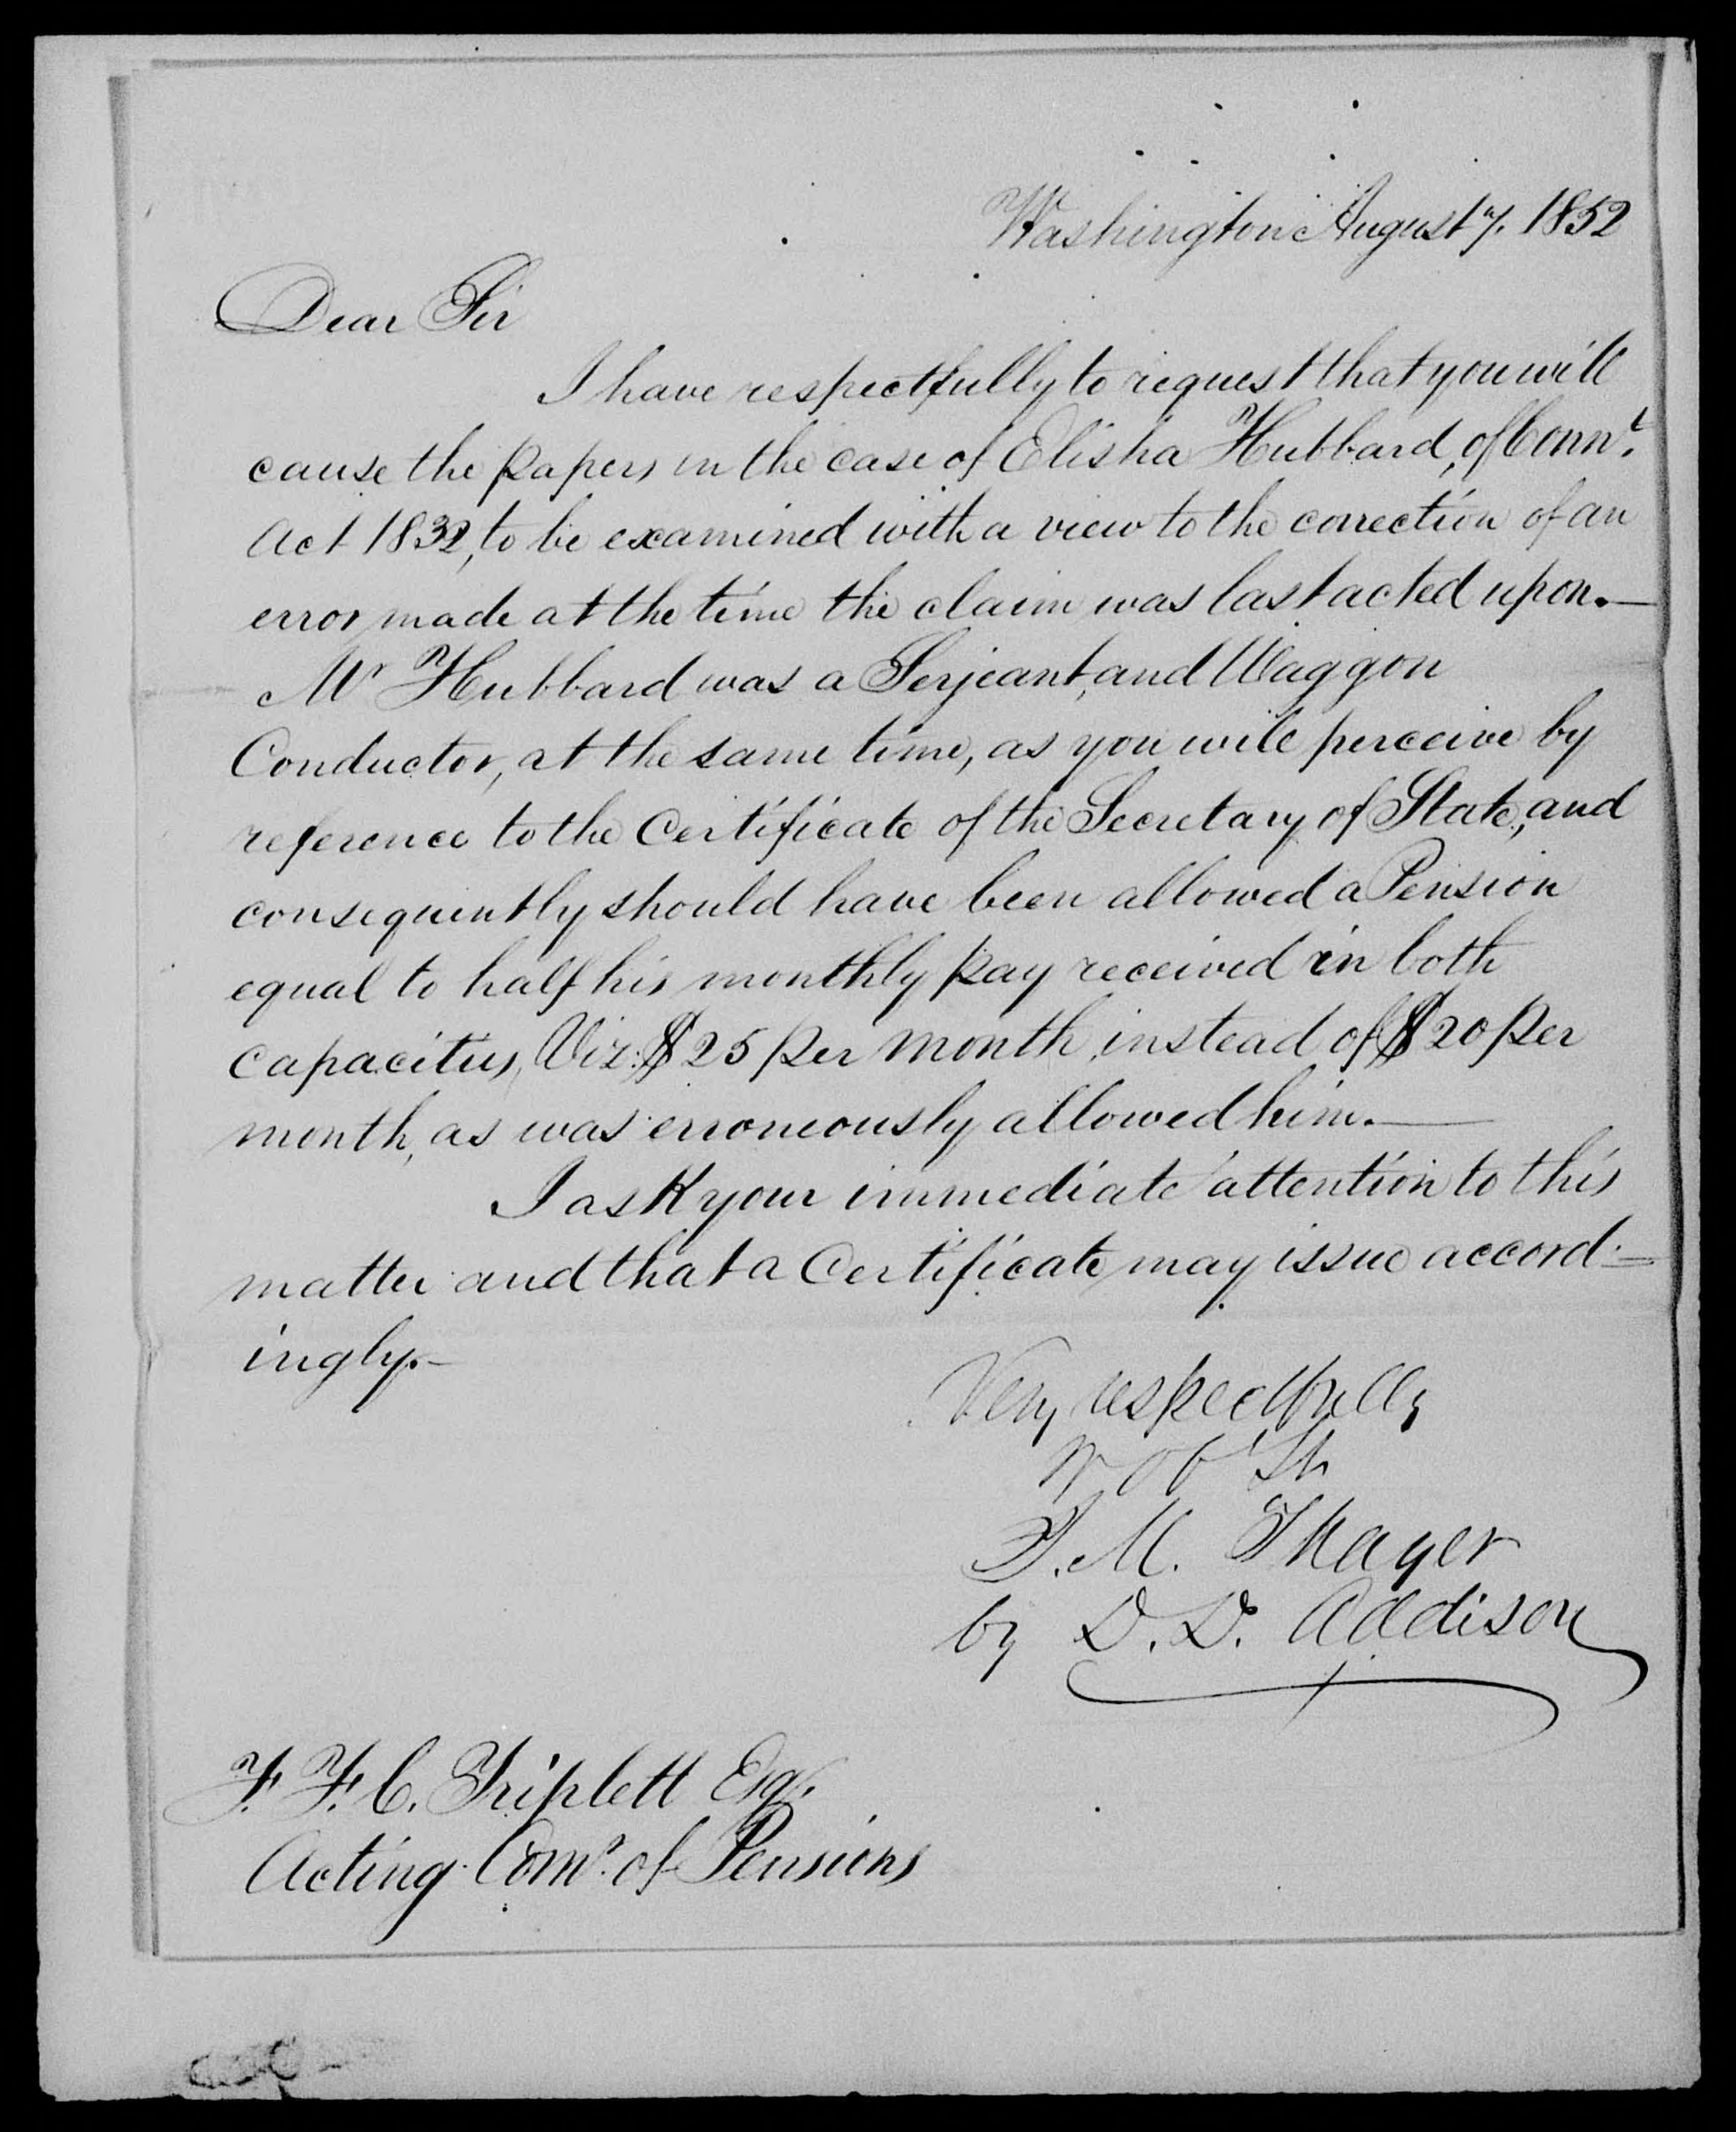Washington August 7. 1852


Dear Sir

I have respectfully to request that you will cause the papers in the case of Elisha Hubbard, of Connt. Act 1832, to be examined with a view to the correction of an error made at the time the claim was last acted upon.  Mr. Hubbard was a Sergeant, and Waggon Conductor, at the same time, as you will perceive by reference to the Certificate of the Secretary of State, and consequently shoud have been allowed a Pension equal to half his monthly pay received in both capacities Viz: $25 per month instead of $20 per month, as was erroneously allowed him.

I ask your immediate attention to this matter and that a  Certificate may issue accordingly.

Very respectfully 
(?)
J. M. Thayer
by D. D. Addison

F Y. C. Shiplett Esq.
Acting Com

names: F F C Triplett, J M Thayer, D D Addison, Elisha Hubbard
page: 55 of 63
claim: survivor's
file: S. 18457, Elisha Hubbard, Conn. Continental